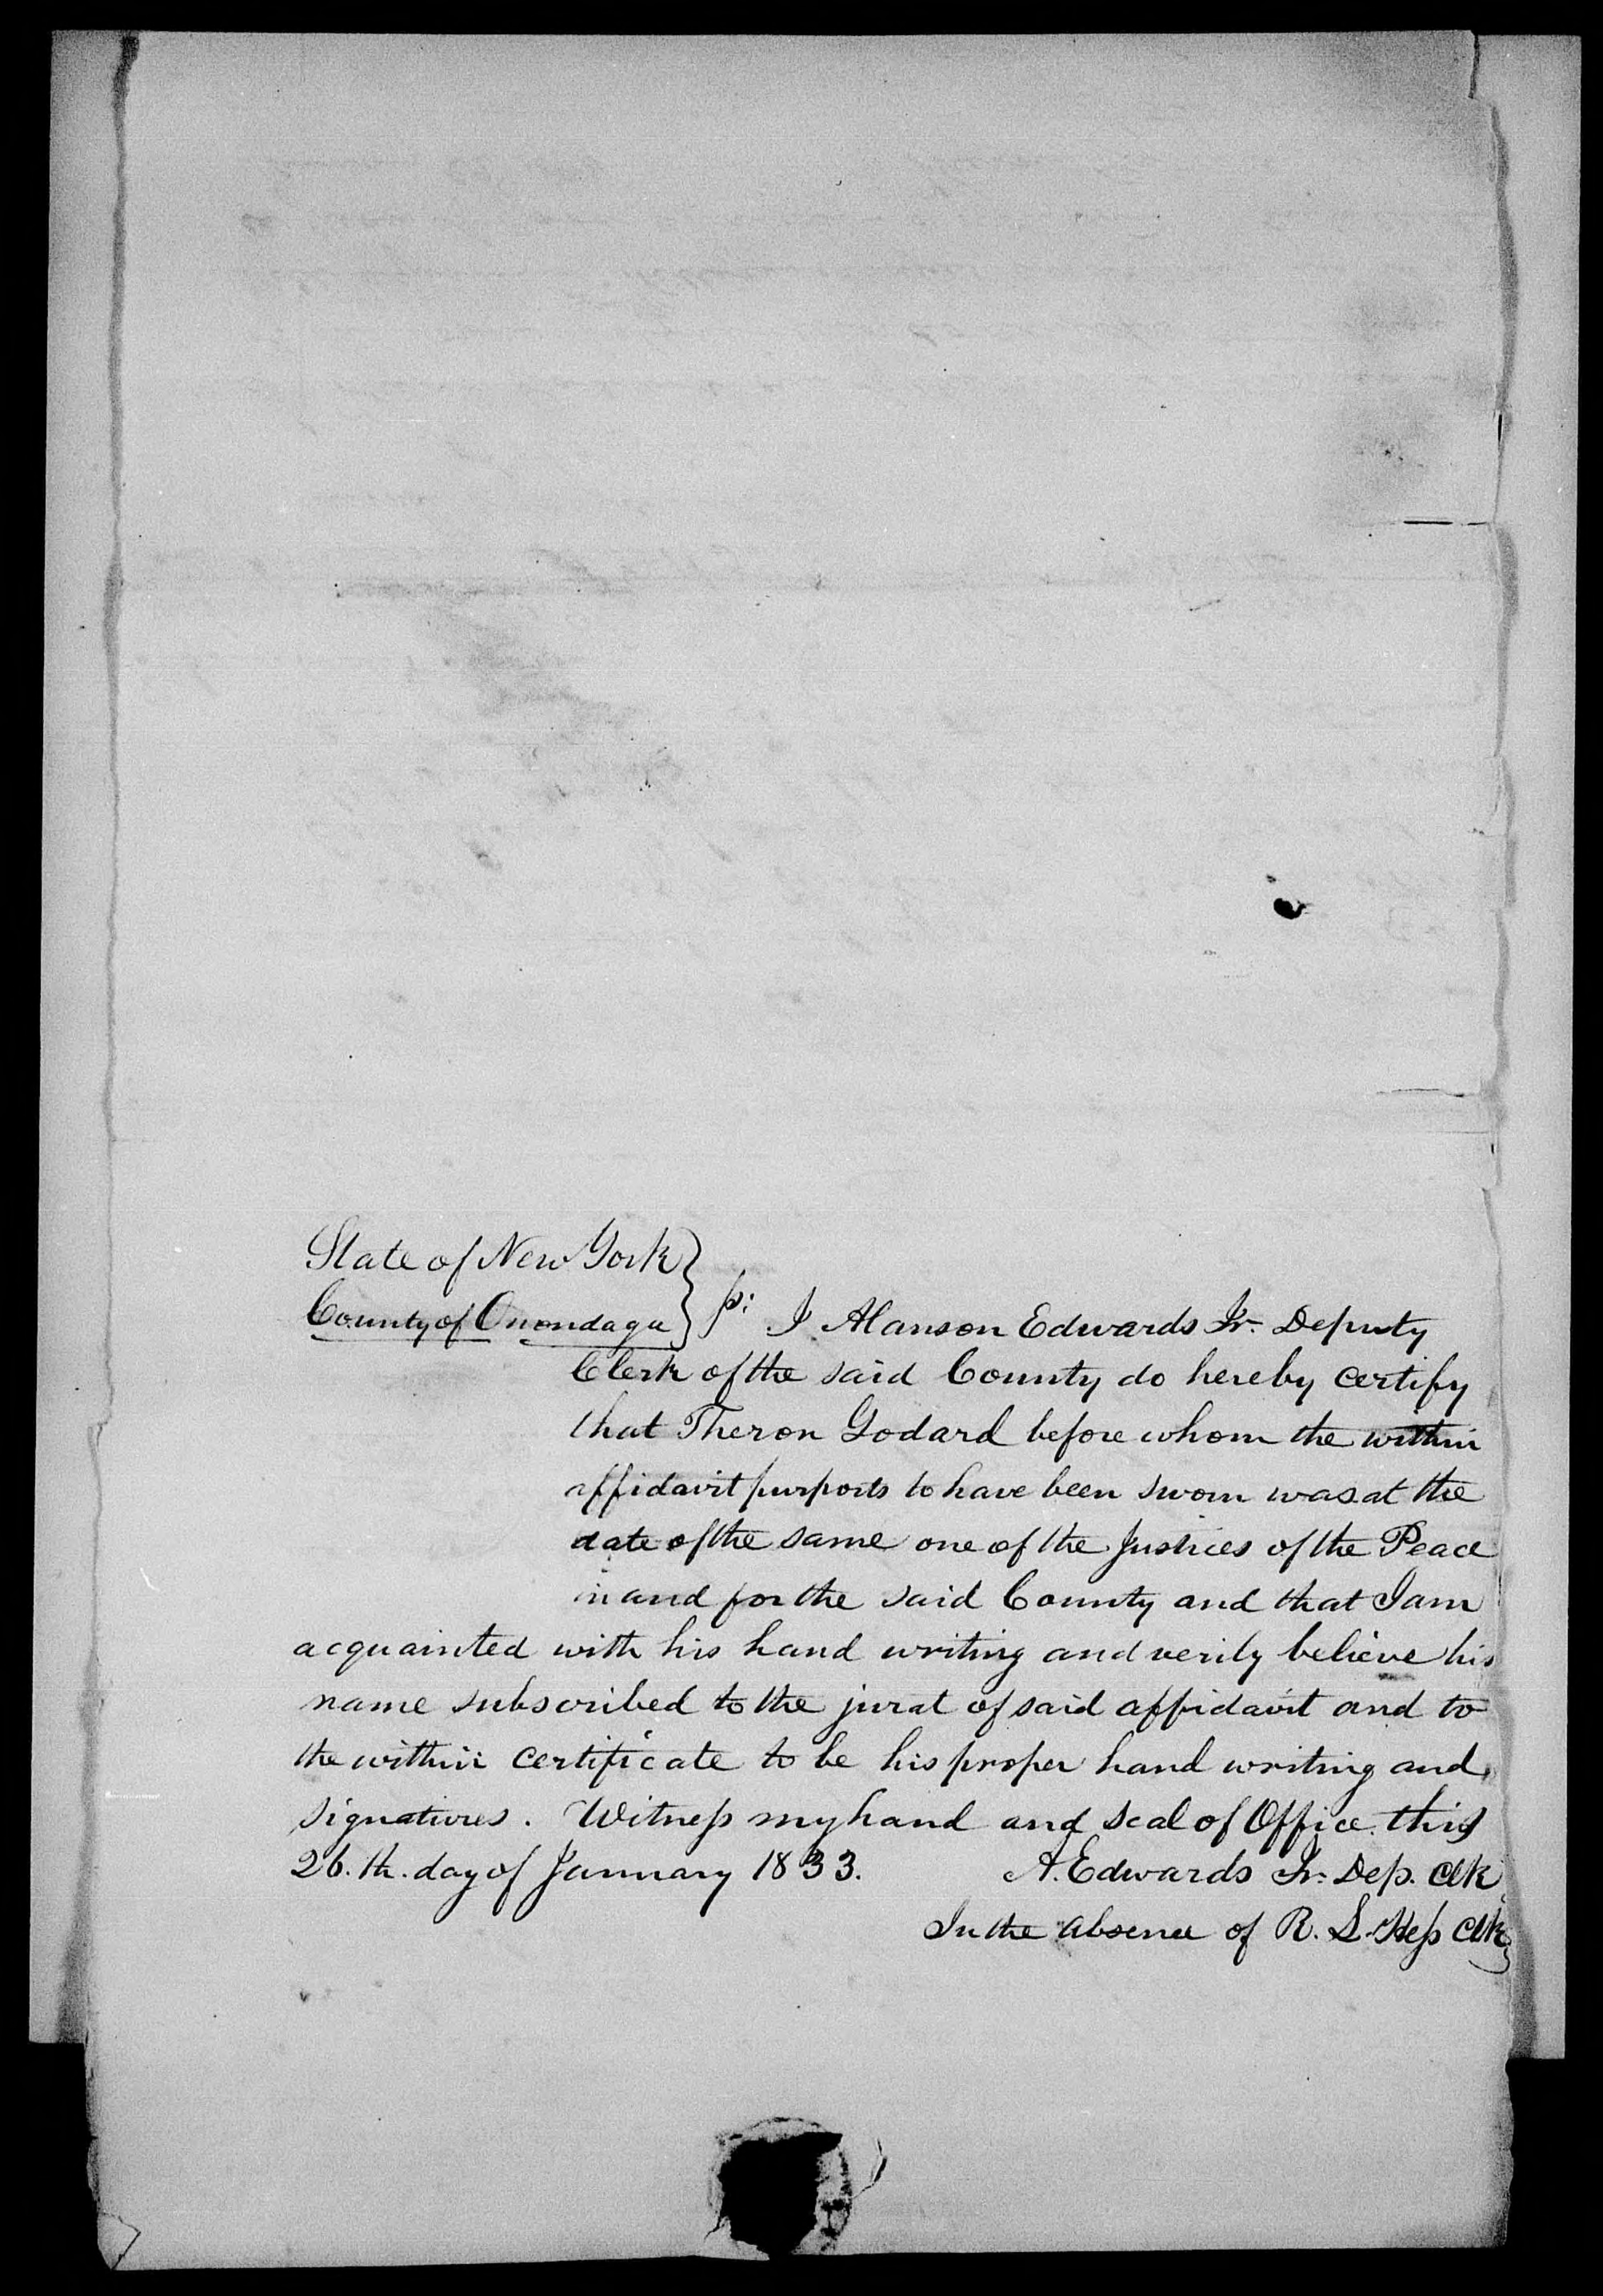State of New York} 
County of Onondaga} ss

I Alanson Edwards Jr. Deputy Clerk of the said County do hereby certify that Theron Godard before whom the within affidavit purports to have been sworn was at the date of the same one of the Justices of the Peace in and for the said County and that I am acquainted with his hand writing and verily believe his name subscribed to the jurat of said affidavit and to the within certificate to be his proper hand writing and signatures. 
Witness my hand and seal of Office this 26th day of January 1833 
A. Edwards Jr. Dep. Clk 
In the absence of R. L. Hess Clk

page: 11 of 30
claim: survivor's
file: S. 13,873, for William Mapes, New York